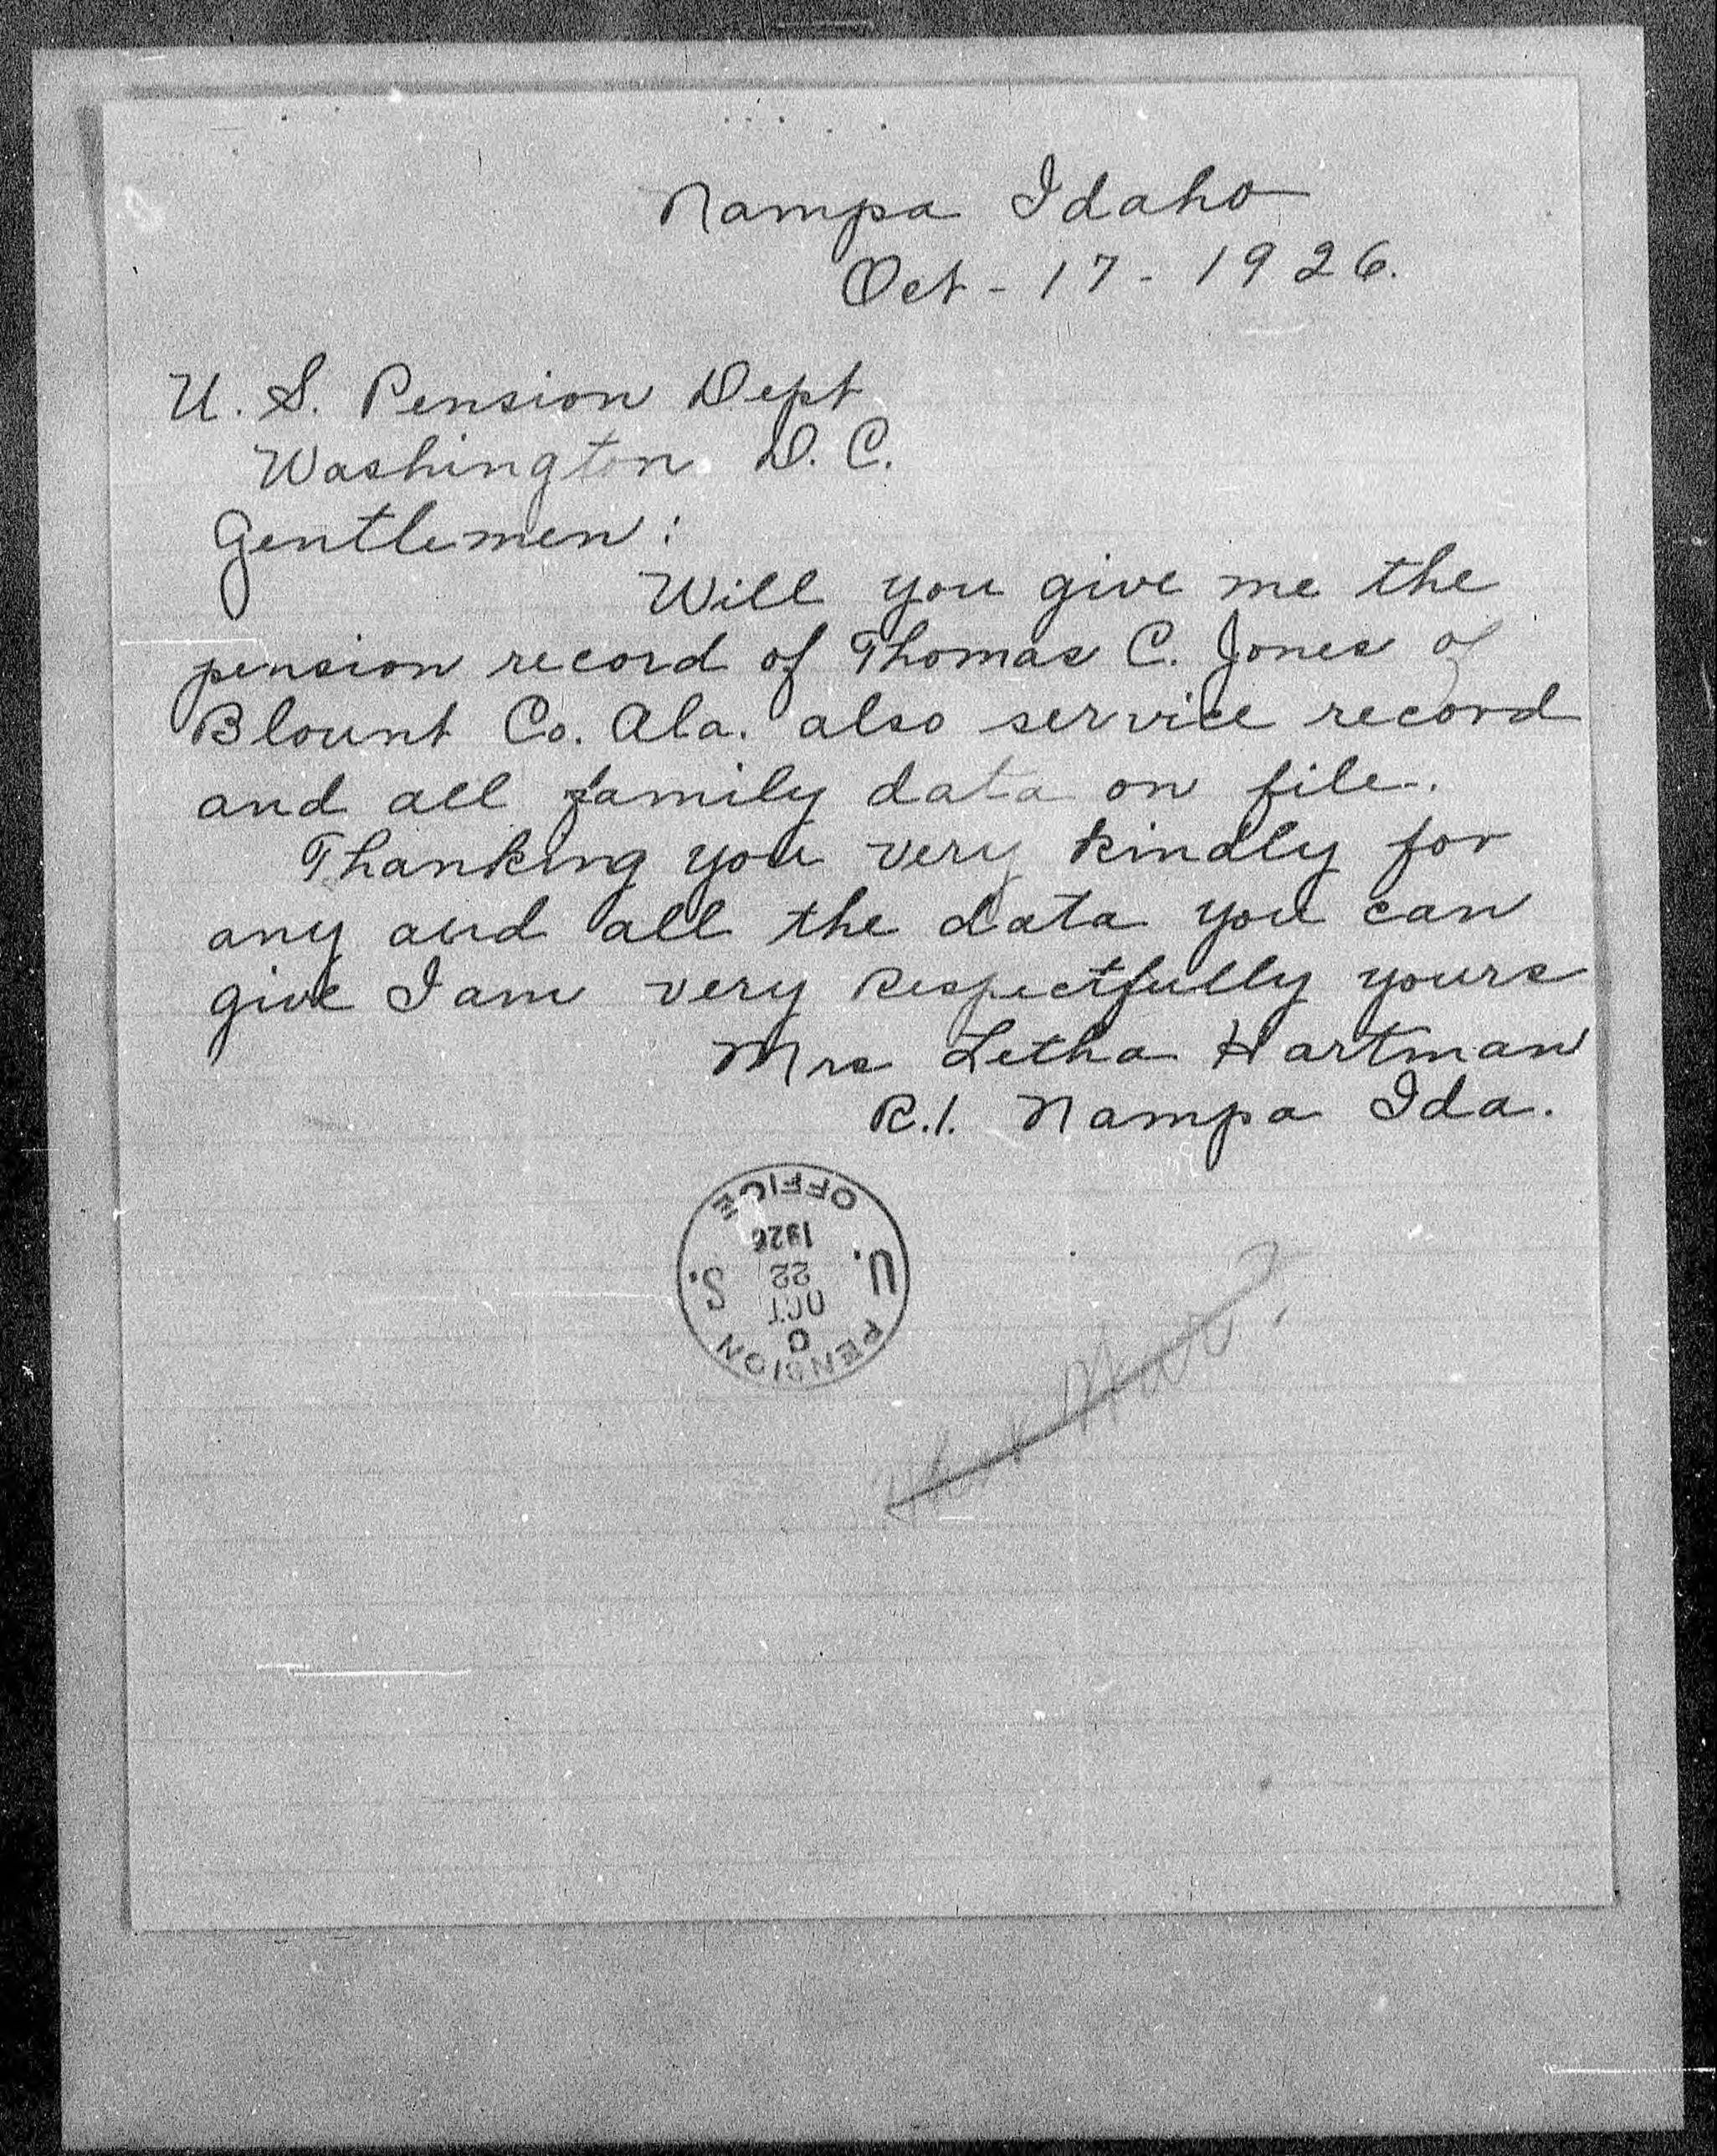Nampa Idaho
Oct - 17 - 1926

U.S. Pension Dept
Washington D.C.

Gentlemen:

Will you give me the 
pension record of Thomas C. Jones of
Blount Co. Ala. also service record 
and all family data on file.

Thanking you very kindly for 
any and all the data you can 
give I am very Respectfully yours
Mrs. Letha Hartman
R. 1  Nampa Ida.

[seal on paper reads]
U. S. PENSION OFFICE
OCT 22 1926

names: Thomas C Jones; Ida [BLANK]; Letha Hartman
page: 44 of 45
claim: widow's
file: W. 26160, for Thomas C Jones, Georgia